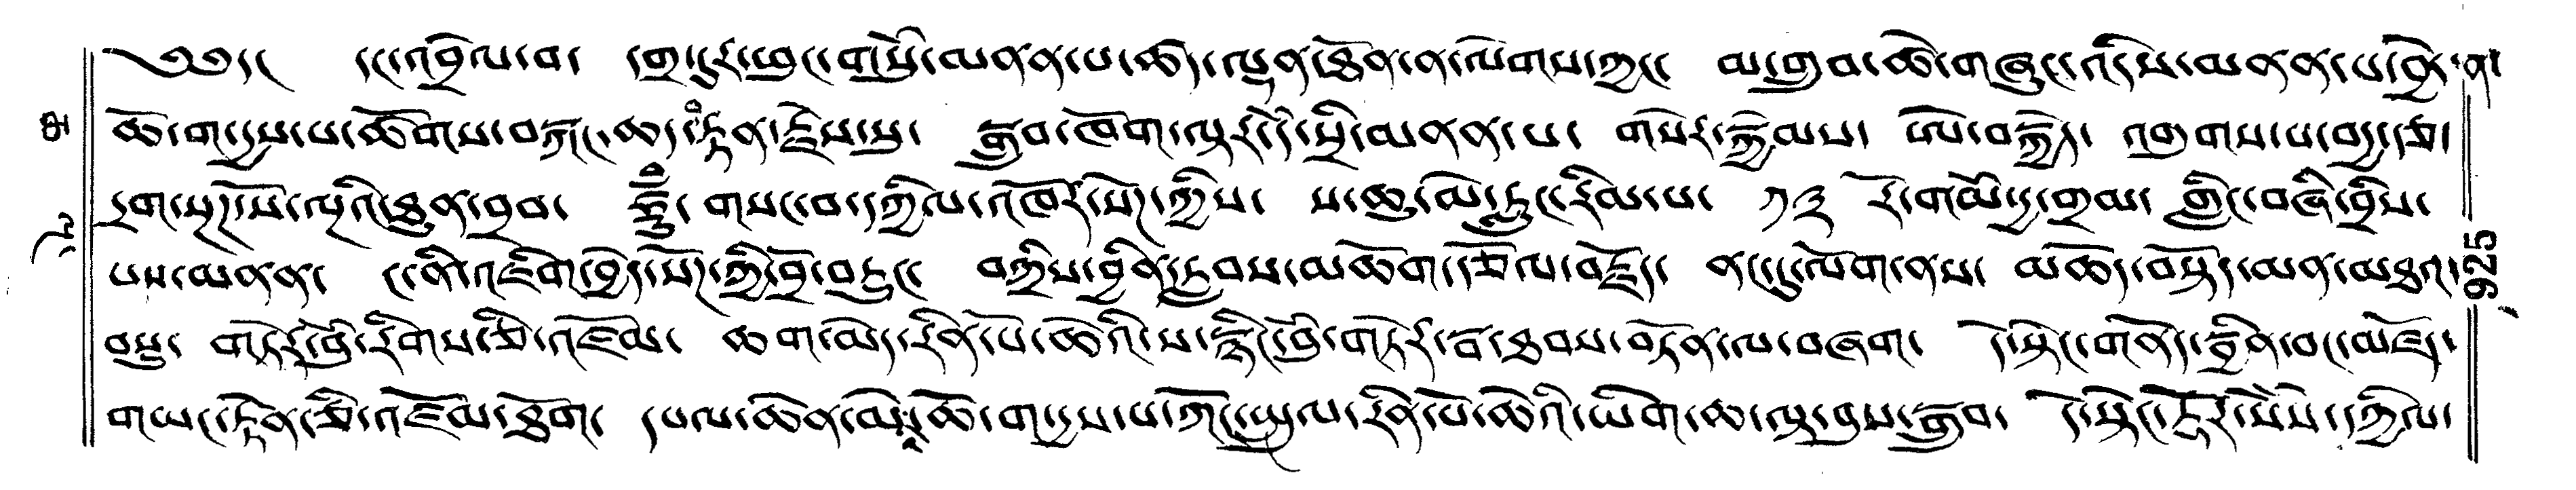དང་འབྲེལ་བ། དགྲ་དུར་ཕུང་གསུམ་མནན་པ་ཚད་ལྡན་ཐོན་ན་ལེགས་ཀྱང་། མ་གྲུབ་ཚེ་གཞུང་འདིས་མནན་པ་བྱེད་ན་
ཆོ་ག་རྒྱས་པ་ཚོགས་བསྐང་ཆད་བརྟན་རྗེས་སུ། སྒྲུབ་ཁོག་ལྟར་དམ་སྲི་མནན་པ། གསེར་སྐྱེམས། ཨེ་བསྐྱེད། འགུགས་པ་བརྒྱ་རྩ་
དྲག་སྔགས་སོ་ལྔའི་ཐུན་བྲབ། ཧཱུྃ༔གསང་བ་དཀྱིལ་འཁོར༴ སོགས་ཀྱིས། ས་ཆུ་མེ་རླུང་རིམ་པ་བཅུ་གསུམ་རོ་གཡམ་རྒྱ་གྲམ་གླིང་བཞི་བྲིས་
པས་མནན། ང་ནི་འཇིགས་བྱེད༴ སོགས་ཀྱི་བྲོ་བརྡུང་། བཀྲ་ཤིས་བྱིན་རླབས་མཆོག་སྩོལ་བརྗོད། ནང་དུ་ལོག་ནས། མཆོད་བསྟོད་མན་མཐའ་
བསྡུ། གཏེར་བུམ་རིགས་ཅི་འཛོམ། ཆགས་མེད་རིན་པོ་ཆེའི་ས་སྙིང་བུམ་གཏེར་སྦ་ཐབས་བཏོན་ལ་བཞག དེ་སྟེང་གནོད་སྦྱིན་བང་མཛོད་
གཡང་རྟེན་ཅི་འཛོམས་ཐོག དཔལ་ཆེན་མོའི་ཆོ་ག་རྒྱས་པ་སྐོང་སྤྲུལ་རིན་པོ་ཆེའི་ཡིག་ཆ་ལྟ་བུས་སྒྲུབ། དེ་སྟེང་རྡོར་སེམས་དཀྱིལ་